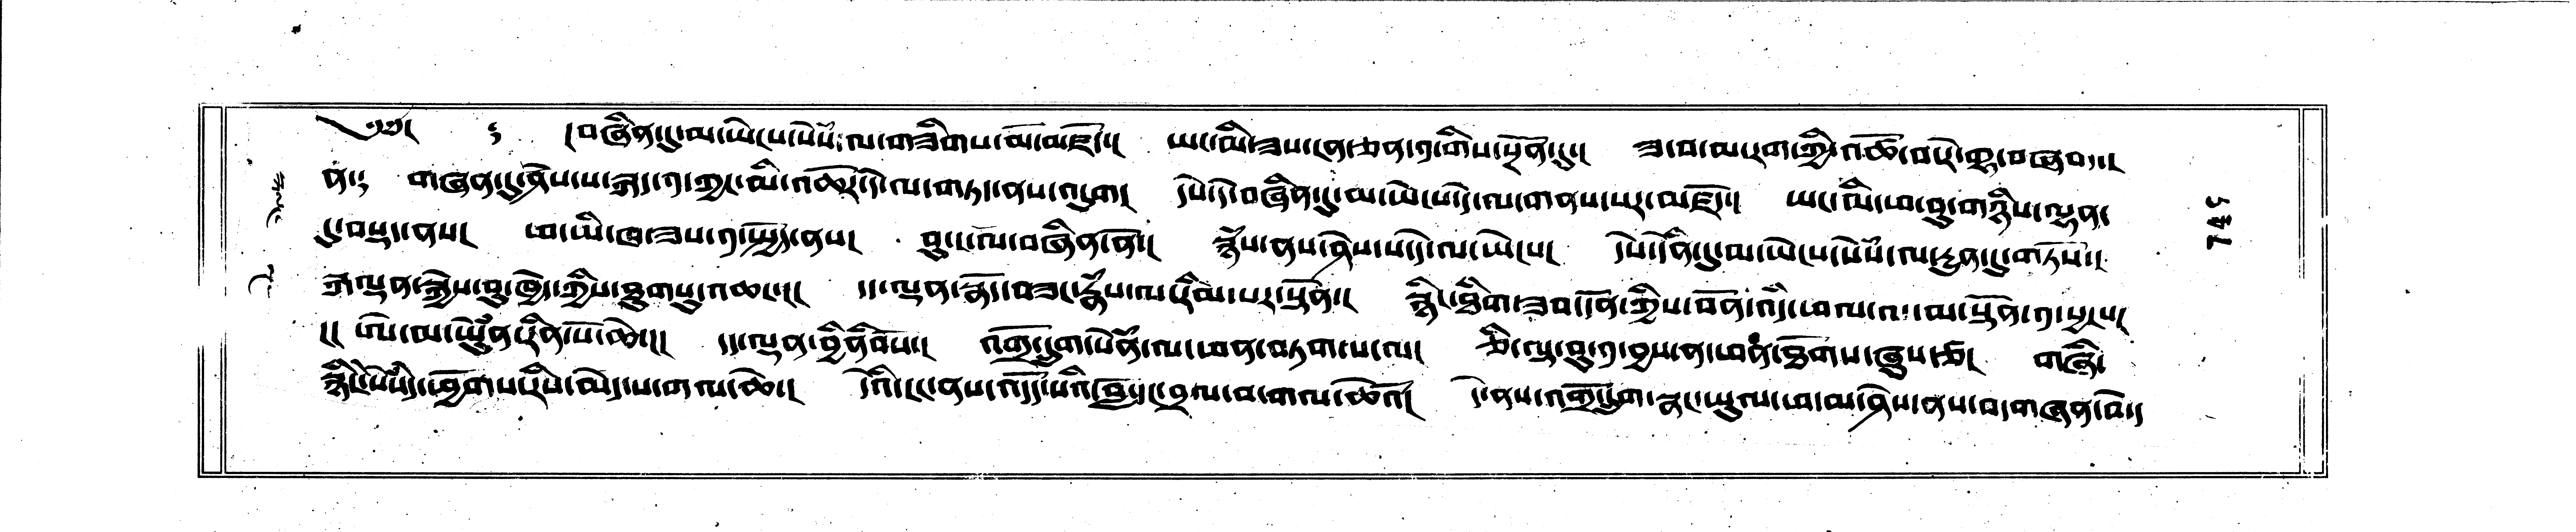བཞིན་དུ་མ་ཡེངས་སེམས་ལ་གཟིགས་མོར་མཛོད། ཡང་མི་ཟས་ངན་ཅན་ཅིག་གི་སྔོན་དུ། ཟ་བ་མ་རག་གི་འཚོ་བ་རེ་གྷ་(འགའ)བཞག་
ན། གཞན་དུ་ཤེས་པ་སྐད་ཅིག་ཀྱང་མི་འཆོར་དེ་ལ་གཏད་ནས་འདུག དཔེ་དེ་བཞིན་དུ་མ་ཡེངས་དེ་ལ་གནས་པར་མཛོད། ཡང་མི་ཕ་བུ་གཉིས་ལྷན་
དུ་བསྡད་ནས། ཕ་ཡིས་ཁ་ཟས་ཅིག་སྤྱོད་ནས། བུས་ང་ལ་བཞིན་ནོ་སྙམ་ནས་ཤེས་པ་དེ་ལ་ཡེངས། དཔེ་དེ་བཞིན་དུ་མ་ཡེངས་སེམས་ལ་རྒྱུན་དུ་ལྟོས། 
སྐལ་ལྡན་སྐྱེས་བུ་ཁྱེད་ཀྱི་ཐུགས་སུ་ཆོངས། དད་ལྡན་སྣོད་བཟང་རྣམས་ལ་རིམ་པར་སྟོན། སྙིང་ཐིག་ཟབ་དོན་གྱི་བོན་འདི་ཕལ་ལ་མ་སྟོན་ཅིག་གསུངས། 
ཨེ་མ་ཡུམ་ཆེན་རིན་པོ་ཆེ། །དད་ལྡན་‘སློབ་མ་’བྱིན་གྱིས་རློབས། །འགྲོ་དྲུག་སེམས་ཅན་ལ་ཕན་བཏགས་པ་ལ། ཅི་ལྟ་བུ་ཞིག་བྱས་ན་ཕན་ཐོགས་ཞུས་ཙ། གཞི་
སྙིང་རྗེ་སེམས་བསྐྱེད་ཕྱོགས་རིས་མེད་པ་གལ་ཆེ། དེའི་ངང་ནས་འདོད་པའི་བློ་དང་བྲལ་བ་གལ་ཆེའོ། །དེ་ནས་འགྲོ་དྲུག་སྣང་ཡུལ་ཕ་མར་ཤེས་ནས་བདག་གཞན་མེད་